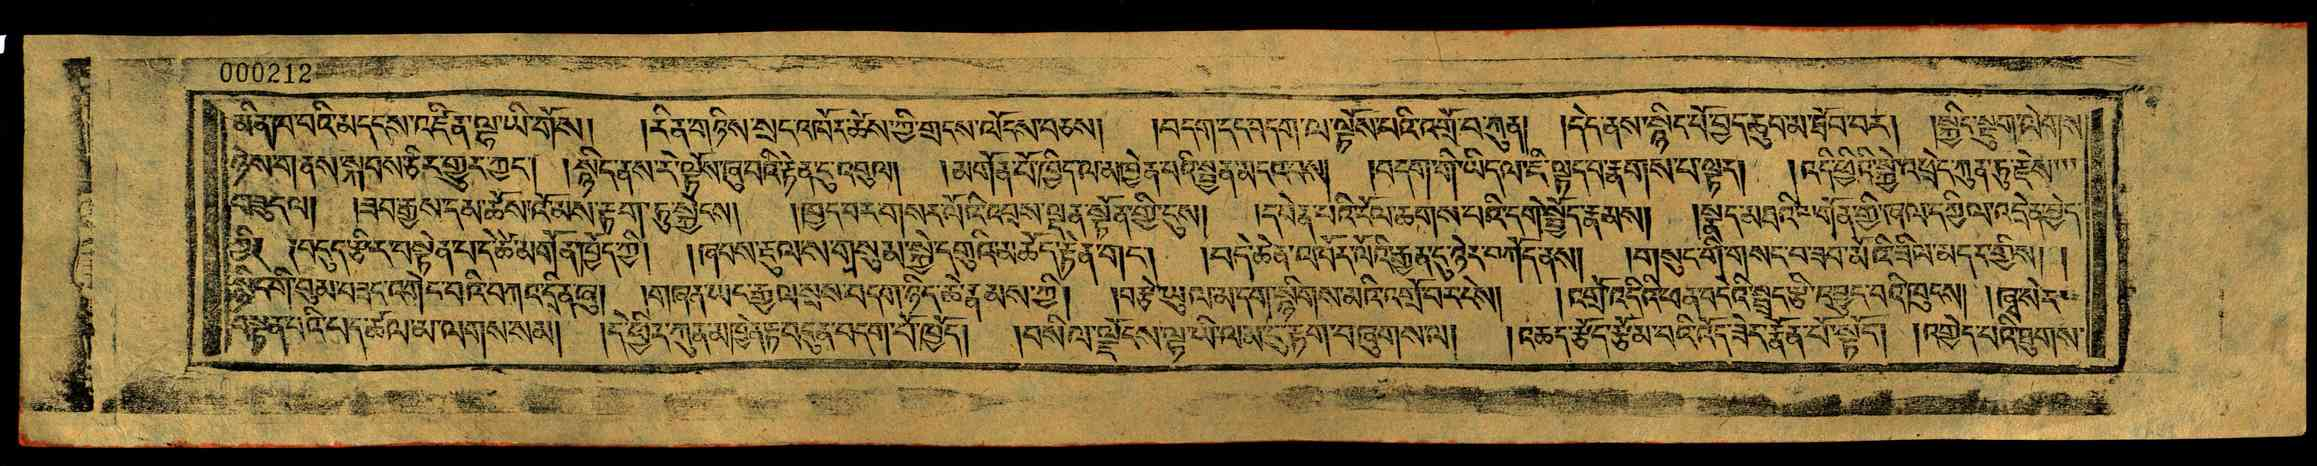མིན་ཁ་བའི་མདངས་འཛིན་ལྷ་ཡི་གོས། །རིན་གཉིས་སྲང་འཁོར་ཚེས་ཀྱི་གྲངས་ལོངས་བཅས། །བདག་དང་བདག་ལ་ལྟོས་པའི་འགྲོ་བ་ཀུན། །དེང་ནས་སྙིང་པོ་བྱང་ཆུབ་མ་ཐོབ་བར། །སྐྱིང་སྡུག་ལེགས་
ཉེས་གནས་སྐབས་ཅིར་གྱུར་ཀྱང་། །སྙིང་ནས་རེ་ལྟོས་ཞུ་བའི་རྟེན་དུ་འབུལ། །མགོན་པོ་ཁྱེད་ལ་མཁྱེན་པའི་སྤྱན་མངའ་བས། །བདག་གི་ཡིད་ལ་ཇི་ལྟར་བརྣགས་པ་ལྟར། །འདི་ཕྱིའི་སྐྱེ་འཕྲེང་ཀུན་ཏུ་རྗེས་
གཟུང་ལ། །ཟབ་རྒྱས་དམ་ཆོས་འོ་མས་རྟག་ཏུ་སྐྱོང་། །ཁྱད་པར་གསར་ལོའི་འབྲས་ལྡན་སྟོན་གྱི་དུས། །དབེན་པའི་རོལ་ཆགས་པའི་དགེ་སྦྱོང་རྣམས། །སྣང་མཐའི་མགོན་གྱི་ཞལ་དཀྱིལ་འདྲེན་བྱེད་
ཀྱི༑ ༑བདུད་རྩིར་བསྟེན་པ་དེ་ཚེ་མགོན་ཁྱོད་ཀྱི། །ཞབས་རྡུལ་ས་གསུམ་སྐྱེ་དགུའི་མཆོད་རྟེན་གང་། །བདེ་ཆེན་འཁོར་ལོའི་རྒྱན་དུ་ཉེར་བཀོད་ནས། །གསུང་གི་གསང་བ་ཟབ་མོའི་ཟིལ་མངར་གྱིས། །
སྙིང་གི་བུམ་བཟང་འགྲེང་བའི་བཀའི་དྲིན་ཞུ། །གཞན་ཡང་རྒྱལ་སྲས་བདག་ཉིད་ཆེ་རྣམས་ཀྱི། །བརྩེ་ཡུལ་མ་དག་སྙིགས་མའི་འགྲོ་བར་ངེས། །འགྲོ་འདིའི་ཕན་བདེའི་སྦྲང་རྩི་འབྱུང་བའི་ཁུངས། །ཞྭ་སེར་
བསྟན་པའི་པད་ཚལ་མ་ལགས་སམ། །དེ་ཕྱིར་ཀུན་མཁྱེན་རྟ་བདུན་བདག་པོ་ཁྱོད། །བསིལ་ལྗོངས་ལྷ་ཡི་ལམ་དུ་རྟག་བཞུགས་ལ། །འཆད་རྩོད་རྩོམ་པའི་འོད་ཟེར་རྣོན་པོ་སྟོང་། །འགྱེད་པའི་ཐུགས་